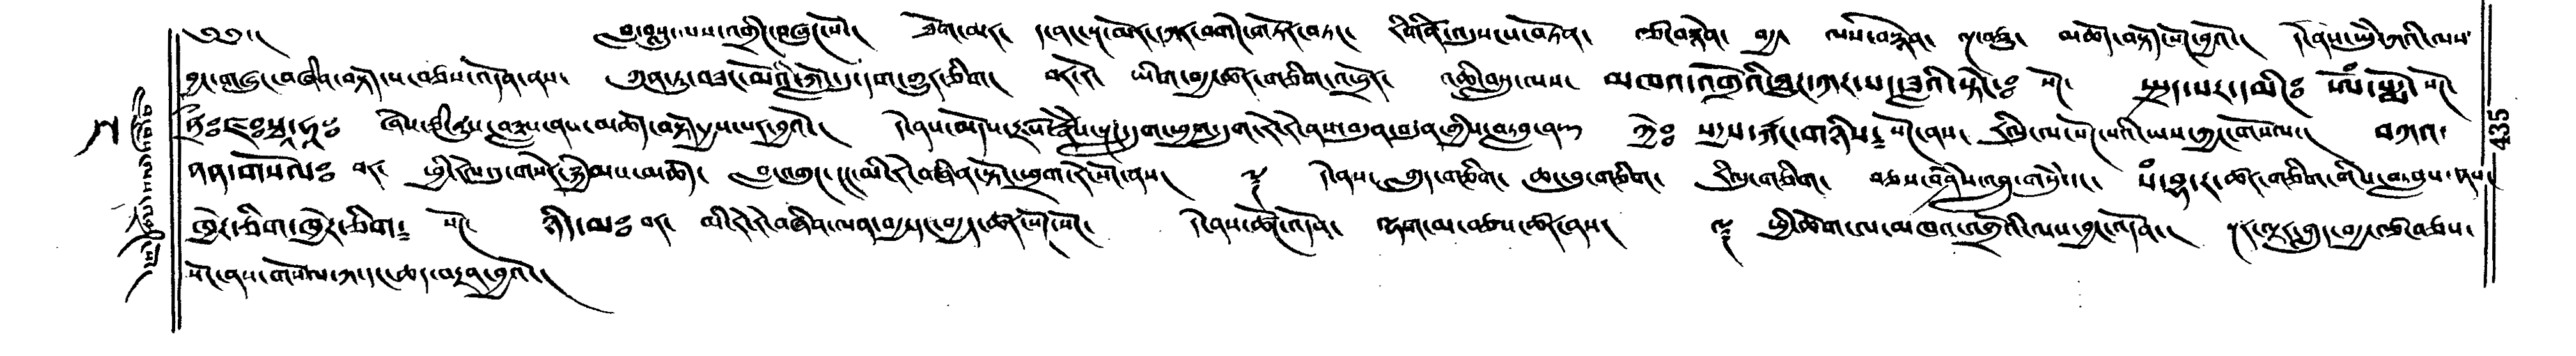༄༅། བླ་བསླུའི་ལས་འགྲིགས་བཞུགས་སོ། ཐོག་མར། ད་ནངས་སྔ་མོར་དཀར་གཏོར་བགེགས་གཏོར་གཏང་། རིག་འཛིན་འདུས་པ་འདཽན། རྩ་བསྙེན་བརྒྱ། ལས་བསྙེན་ལྔ་བཅུ། མཆོད་བསྟོད་སོགས་བྱའོ། དེ་ནས་ཡུམ་ཀའི་ལས་
བྱང་གཞུང་བཞིན་བསྟོད་པ་བཅས་བཏཽན་ནས། ཀུན་ཏུ་བཟང་མོའི་ཀློང་དུ་དག་གྱུར་ཅིགཿ བར་རོ། ཡིག་བརྒྱ་ཚར་གཅིག་འཕྲོས། འཆི་བསླུ་ལས། མཁའ་འགྲོའི་ཐུགས་ཀར་པད་ཟླའི་སྟེངཿ སོགས། བསྐྲད་པར་དམིགསཿ ཨོཾ་པདྨོ༴ སོགས། 
ནྲྀཿཛཿསྭ་ཧཱཿ ཞེས་ཅི་ནུས་བཟླས་ནས་མཆོད་བསྟོད་རྒྱས་པར་བྱའོ། དེ་ནས་མདོས་རྫས་རྣམས་སྔགས་དྲུག་ཕྱག་དྲུག་རེ་རེ་ནས་བདུན་བདུན་གྱིས་བརླབས་ནས། ཀྱེཿ སངས་རྒྱས་རྐང་གཉིས༴ སོགས་ནས། རིལ་བུ་ལ་སོགས་པའི་ཡས་ཀྱང་གསོལ། བཀའ་
ནན་གསོལཿ བར། ཕྱི་རོལ་དུ་གསེར་སྐྱེམས་མཆོད། བླ་འགུགས་ངར་མི་རེ་བཞིན་སྟོང་ཕྲག་རེ་སོང་ནས། དེ་ནས་གླུད་གཅིག ཆང་བུ་གཅིག རིལ་བུ་གཅིག་བཅས་བཤམས། འབྲུ་གསུམ་དང་། སཾ་བྷ་ར༴ ཚར་གཅིག་གིས་བརླབས་ནས། 
ཁྱེར་ཅིག་ཁྱེར་ཅིག༴ སོགས། ཉིད་མ༔ བར། མི་རེ་རེ་བཞིན་ལན་བརྒྱ་དང་བརྒྱད་ཚར་སོགས་སོང་། དེ་ནས་ཚོགས་འདོན། ལྷག་མ་བཅས་ཚར་ནས། ཕྱི་ཆོག་ལ་མཁའ་འགྲོའི་ལས་བྱང་འདོན། སྔར་ལྟར་གླུད་བརྒྱ་རྩ་བཅས་
སོང་ནས་གསོལ་ཀ་དང་ཆད་བརྟན་བྱའོ།།